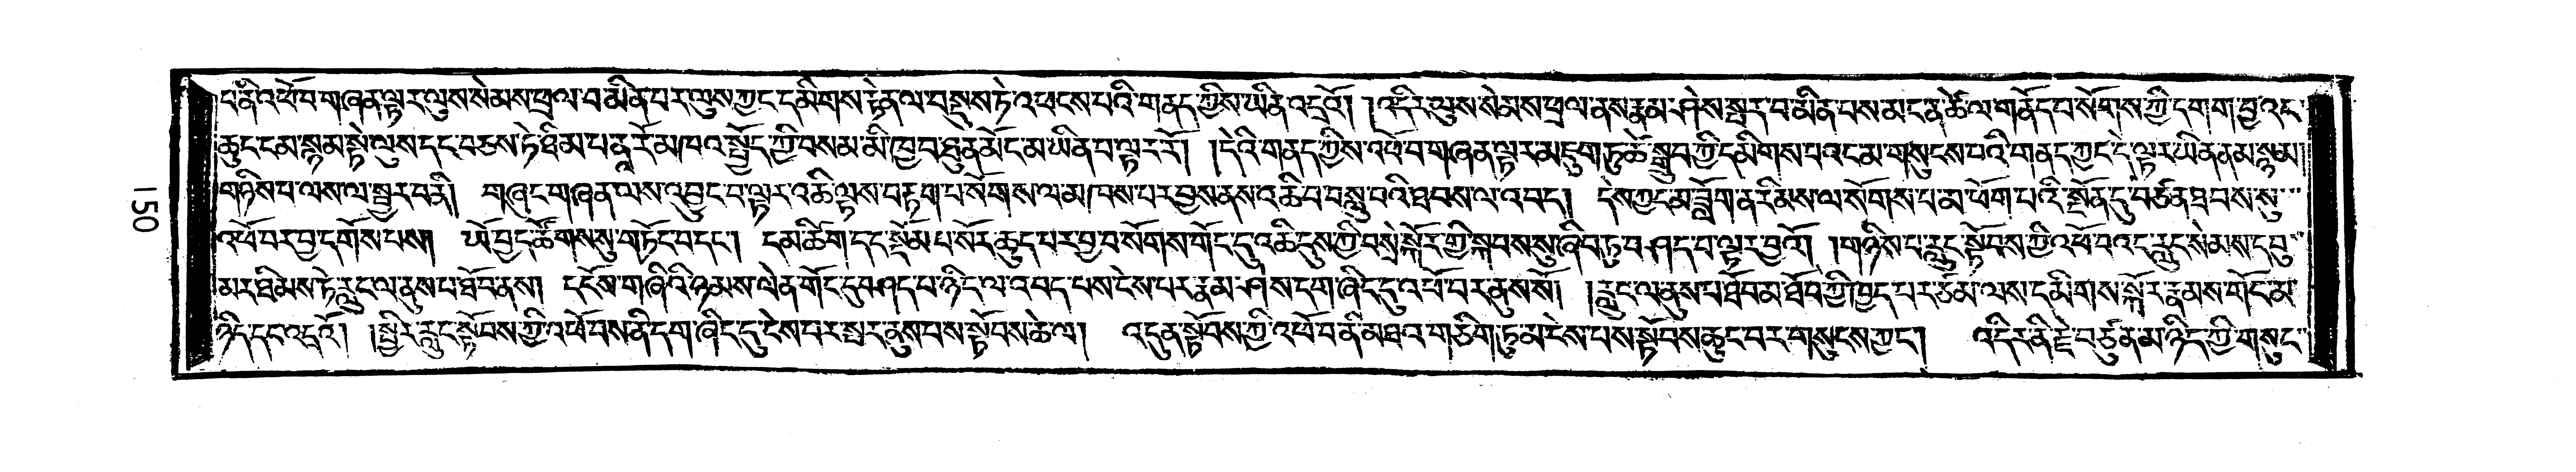པ་ནི་འཕོ་བ་གཞན་ལྟར་ལུས་སེམས་ཕྲལ་བ་མིན་པར་ལུས་ཀྱང་དམིགས་རྟེན་ལ་བསྡུས་ཏེ་འཕངས་པའི་གནད་ཀྱིས་ཡིན་འདྲའོ། །འདིར་ལུས་སེམས་ཕྲལ་ནས་རྣམ་ཤེས་སྤར་བ་མིན་པས་མང་ན་ཚེ་ལ་གནོད་པ་སོགས་ཀྱི་དགག་བྱའང་
ཆུང་ངམ་སྙམ་སྟེ་ལུས་དང་བཅས་ཏེ་ཐིམས་ནཱ་རོ་མཁའ་སྤྱོད་ཀྱི་བསམ་མི་ཁྱབ་ཐུན་མོང་མ་ཡིན་པ་ལྟར་རོ། །དེའི་གནད་ཀྱིས་འཕོ་བ་གཞན་ལྟར་མཇུག་ཏུ་ཚེ་སྒྲུབ་ཀྱི་དམིགས་པའང་མ་གསུངས་པའི་གནད་ཀྱང་དེ་ལྟར་ཡིན་ནམ་སྙམ་
གཉིས་པ་ལས་ལ་སྦྱར་བ་ནི། གཞུང་གཞན་ལས་འབྱུང་བ་ལྟར་འཆི་ལྟས་བརྟག་པ་སོགས་ལ་མཁས་པར་བྱས་ནས་འཆི་བ་བླུ་བའི་ཐབས་ལ་འབད། དེས་ཀྱང་མ་ཟློག་ན་རིམས་ལ་སོགས་པ་མ་ཕོག་པའི་སྔོན་དུ་བཙན་ཐབས་སུ་
འཕོ་བར་བྱ་དགོས་པས། ཡོ་བྱད་ཚོགས་སུ་གཏོང་བ་དང་། དམ་ཚིག་དང་སྡོམ་པ་སོར་ཆུད་པར་བྱ་བ་སོགས་གོང་དུ་འཆི་དུས་ཀྱི་བསྲེ་སྐོར་གྱི་སྐབས་སུ་ཞིབ་ཏུ་བཤད་པ་ལྟར་བྱའོ། །གཉིས་པ་རླུང་སྟོབས་ཀྱི་འཕོ་བའང་རླུང་སེམས་དབུ་
མར་ཐིམས་ཏེ་རླུང་ལ་ནུས་པ་ཐོབ་ནས། དངོས་གཞིའི་ཉམས་ལེན་གོང་དུ་བཤད་པ་ཉིད་ལ་འབད་པས་ངེས་པར་རྣམ་ཤེས་དག་ཞིང་དུ་འཕོ་བར་ནུས་སོ། །རླུང་ལ་ནུས་པ་ཐོབ་མ་ཐོབ་ཀྱི་ཁྱད་པར་ཙམ་ལས་དམིགས་སྐོར་རྣམས་གོང་མ་
ཉིད་དང་འདྲའོ། །སྤྱིར་རླུང་སྟོབས་ཀྱི་འཕོ་བས་ནི་དག་ཞིང་དུ་ངེས་བར་སྤར་ནུས་པས་སྟོབས་ཆེ་ལ། འདུན་སྟོབས་ཀྱི་འཕོ་བ་ནི་མཐའ་གཅིག་ཏུ་མ་ངེས་པས་སྟོབས་ཆུང་པར་གསུངས་ཀྱང་། འདིར་ནི་རྗེ་བཙུན་མ་ཉིད་ཀྱི་གསུང་